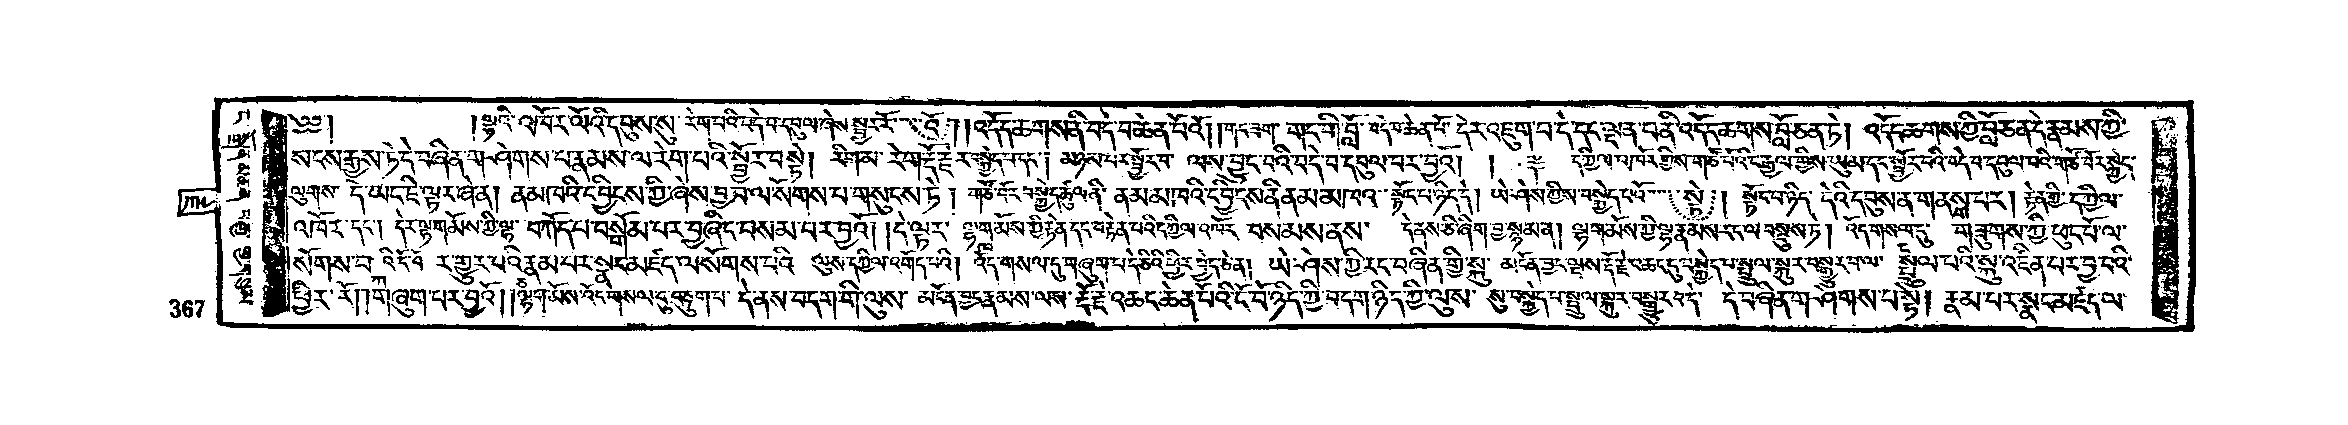༄༅། ། ལྷའི་འཁོར་ལོའི་དབུས་སུ་རེག་པའི་བདེ་བ་དབུལ་ཞེས་བྱར་རོ་འོ། །འདོད་ཆགས་ནི་བདེ་བ་ཆེན་པོའོ། ། གང་ཟག་གང་གི་བློ་བདེ་བ་ཆེན་པོ་དེར་འཇུག་པ་དེ་དང་ལྡན་པ་ནི་འདོད་ཆགས་བློ་ཅན་ཏེ། འདོད་ཆགས་ཀྱི་བློ་ཅན་དེ་རྣམས་ཀྱི་
སངས་རྒྱས་ཏེ་དེ་བཞིན་གཤེགས་པ་རྣམས་ལ་རེག་པའི་སྦྱོར་བ་སྟེ། རིག་མ་རེག་རྡོ་རྗེར་བསྐྱེད་པ་དང་། མཉམ་པར་སྦྱོར་བ་ལས་བྱུང་བའི་བདེ་བ་དབུལ་བར་བྱའོ། ། ༈ དཀྱིལ་འཁོར་གྱིས་གཙོ་བོའི་ང་རྒྱལ་གྱིས་ཡུམ་དང་སྦྱོར་བའི་བདེ་བ་དབུལ་བའི་གཙོ་བོར་སྐྱེད་
ལུགས་དེ་ཡང་ཇི་ལྟར་ཞེ་ན། ནམ་མཁའི་དབྱིངས་ཀྱི་ཞེས་བྱ་བ་ལ་སོགས་པ་གསུངས་ཏེ། གཙོ་བོར་བསྐྱེད་ཚུལ་ནི་ནམ་མཁའི་དབྱིངས་ནི་ནམ་མཁའ་སྟོང་པ་ཉིད་དེ། ཡེ་ཤེས་ཀྱིས་བསྐྱེད་པའོ་སྟེ། སྟོང་པ་ཉིད་དེའི་དབུས་ན་གནས་པར། རྟེན་གྱི་དཀྱིལ་
འཁོར་དང་། དེར་ལྷག་མོས་ཀྱི་ལྷ་བཀོད་པ་བསྒོམ་པར་བྱ་ཞིང་བསམ་པར་བྱའོ། །དེ་ལྟར་ལྷག་མོས་ཀྱི་རྟེན་དང་བརྟེན་པའི་དཀྱིལ་འཁོར་བསམས་ནས་དེ་ནས་ཅི་ཞིག་བྱ་སྙམ་ན། ལྷག་མོས་ཀྱི་ལྷ་རྣམས་རང་ལ་བསྡུས་ཏེ། འོད་གསལ་དུ་ག་གཟུགས་ཀྱི་ཕུང་པོ་ལ་
སོགས་པའི་ངོ་བོར་གྱུར་པའི་རྣམ་པར་སྣང་མཛད་ལ་སོགས་པའི་ལུས་དཀྱིལ་འགོད་པའི། ག་འོད་གསལ་དུ་གཞུག་པ་དེ་ཅིའི་ཕྱིར་བྱེད་ཅེ་ན།  ཡེ་ཤེས་ཀྱི་རང་བཞིན་གྱི་སྐུ་མངོན་བྱང་ལྔས་རྡོ་རྗེ་འཆང་དུ་བསྐྱེད་པ་སྤྲུལ་སྐུར་བསྒྱུར་བ་ལ་ང་སྤྲུལ་པའི་སྐུ་འཛིན་པར་བྱ་བའི་
ཕྱིར་རོ། ། ཀ་གཞུག་པར་བྱའོ། ། ཅ་ལྷག་མོས་འོད་གསལ་དུ་བཅུག་པ་དེ་ནས་བདག་གི་ལུས་མངོན་བྱད་རྣམས་ལས་རྡོ་རྗེ་འཆང་ཆེན་པོའི་ངོ་བོ་ཉིད་ཀྱི་བདག་ཉིད་ཀྱི་ལུས་སུ་བསྐྱེད་པ་སྤྲུལ་སྐུར་བསྒྱུར་བ་དེ་དེ་བཞིན་གཤེགས་པ་སྟེ། རྣམ་པར་སྣང་མཛད་ལ་